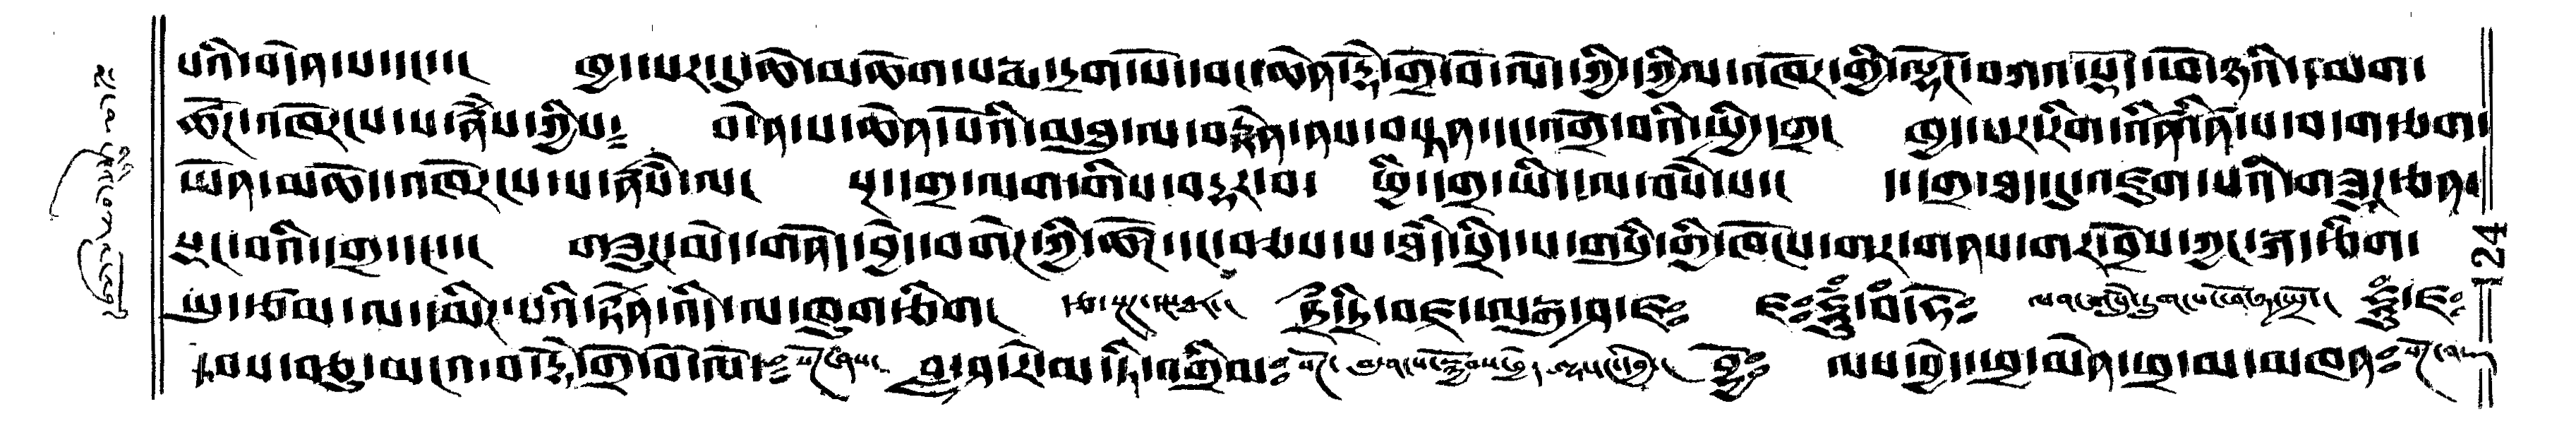པའི་བདེན་པ་དང་། ཁྱད་པར་དུ་ཆེ་མཆོག་པདྨ་དྲག་པོ་དབང་ཆེན་རྡོ་རྗེ་གྲོབོ་ལོད་ཀྱི་དཀྱིལ་འཁོར་གྱི་ལྷ་ཚོགས་བཀའ་སྡོད་ཕོ་ཉའི་དམག་
ཚོགས་འཁོར་དང་བཅས་པ་རྣམས་ཀྱིས་བདེན་པ་ཆེན་པོའི་མཐུ་ལ་བརྟེན་ནས་བསྟན་དང་འགྲོ་བའི་སྤྱི་དགྲ། ཁྱད་པར་རིག་པ་འཛིན་པ་བདག་ཅག་
ཡོན་མཆོད་འཁོར་དང་བཅས་པ་རྣམས་ལ། སྔ་དགྲ་ལག་གིས་བརྡར་བ། ཕྱི་དགྲ་ཡིད་ལ་བསམ་པ། ད་དགྲ་ཐད་དུ་འཛུགས་པའི་གཟུགས་ཅན་
སྡང་བའི་དགྲ་དང་། གཟུགས་མེད་གནོད་བྱེད་བགེགས་ཀྱི་ཚོགས་དང་བཅས་པ་ཐམས་ཅད་སྲིད་པ་གསུམ་གྱི་ཁོངས་གར་གནས་གར་བྲོས་ཀྱང་སྐད་ཅིག་
ཡུད་ཙམ་ལ་དམིགས་པའི་རྟེན་འདི་ལ་ཁུག་ཅིག རྩ་སྔགས་ཐར། ནྲྀ་ཏྲི་བཛྲ་ཨངྒུ་ཤ་ཛ༔ ཛཿཧཱུྃ་བཾ་ཧོ༔ ལན་གསུམ་དྲུག་པ་ཕོ་ཉ་སྤྲོ། ཧཱུྃ་ཛཿ
སྟོབས་བཅུ་མངའ་བ་རྡོ་རྗེ་གྲོ་བོ་ལོད༔ སོགས་ནས་། བླ་ཤ་རེ་མ་ཏི་འགྲིམ༔ སོགས། བདུན་པ་སྐྱོབས་བྱེད་ལྷ་དང་དབྱེ། བྷྱོ༔ ལས་བྱེད་ཕྲ་མེན་ཕྲ་མ་མཁན༔སོགས་ནས།